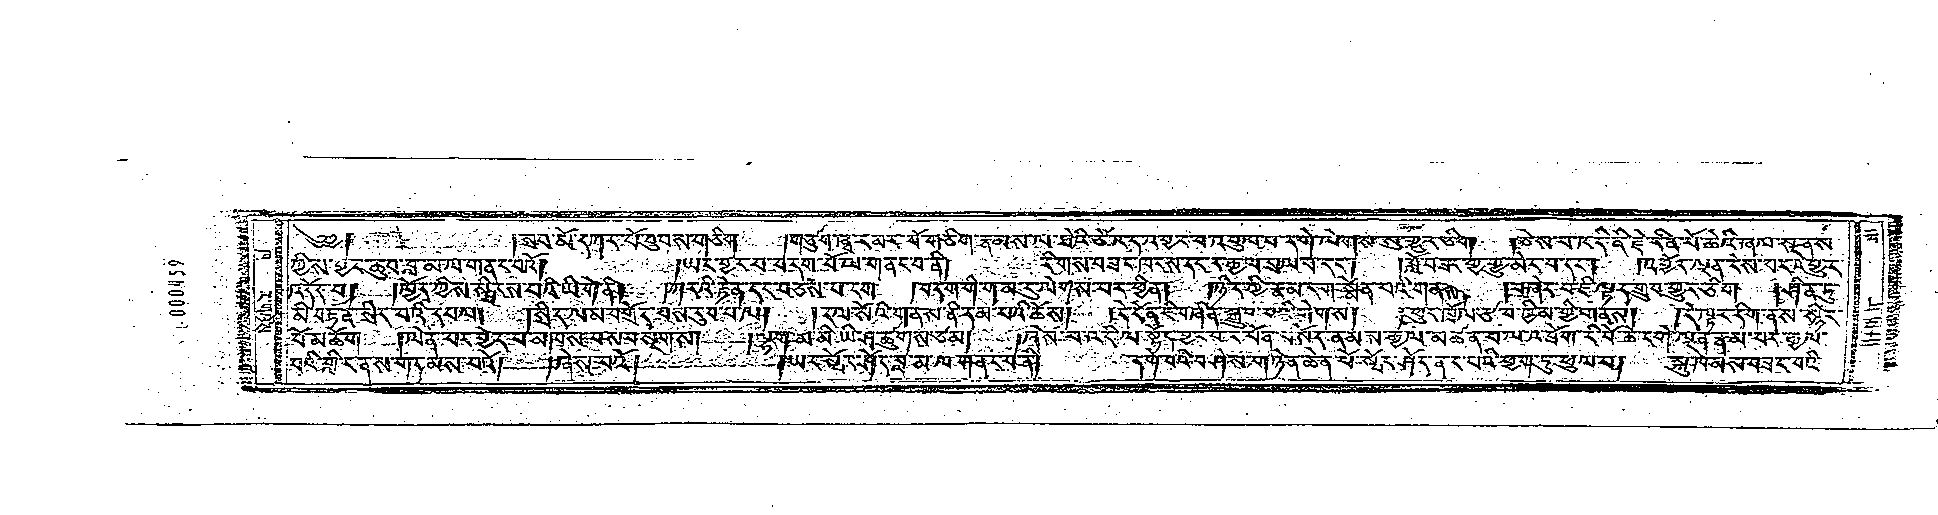༄༅། །སྲབ་མོ་དཀར་པོ་བུབས་གཅིག །གཙུག་ཞྭ་དམར་པོ་གཅིག་རྣམས་ལ་ཐེའི་ཙེ་འད་འབྱང་བ་འབུལ་བ་དགེ་ལེགས་སུ་གྱུར་ཅིག །ཅེས་པ་འདི་ནི་རྗེ་རིན་པོ་ཆེའི་ཞལ་སྔ་ནས་
ཀྱིས་བྱང་ཆུབ་བླ་མ་ལ་གནང་བའོ། །ཡང་བྱང་བ་བདག་པོ་ལ་གནང་བ་ནི། རིགས་བཟང་ཁངས་དང་ང་རྒྱལ་བྲལ་བ་དང་། །བློ་བཟང་གྱ་གྱུ་མེད་པ་དང་། །འབྱོར་ལྡན་ངེས་པར་འབྱུང་
འདོད་པ། །ཁྱོད་ཀྱིས་སྤྲིངས་པའི་ཡི་གེ་ནི། །ཀ་རའི་རྟེན་དང་བཅས་པ་དག །བདག་གི་གམ་དུ་ལེགས་པར་ཕྱིན། །ཉིད་ཀྱི་རྣམ་དག་སྨོན་པའི་གནས། །བཞེད་པ་ཇི་ལྟར་གྲུབ་གྱུར་ཅིག །ཤིན་ཏུ་
མི་བརྟན་སྲིད་བའི་དཔལ། །སྲིད་ལམ་བགྲོད་པས་དུབ་པ་ལ། །ངལ་སོའི་གནས་ནི་དམ་པའི་ཆོས། །དེ་དོན་ཇི་བཞིན་སྒྲུབ་པའི་གེགས། །ཕུད་ཁྲོལ་ཙ་བ་ཁྱིམ་གྱི་གནས། །དེ་ལྟར་རིག་ནས་སྙིང་
པོ་མཆོག །ལེན་པར་བྱེད་པ་མཁས་པས་བསྔགས། །ལྷག་མ་མི་ཡི་ཤ་ཚུགས་ཙམ། །ཞེས་བ་འདི་ལ་སྟོད་བྱང་བ་དཔོན་བསོད་ནམས་རྒྱལ་མཚན་བ་ལ་འབྲོག་རི་བོ་ཆེ་དགེ་ལྡན་རྣམ་པར་རྒྱལ་
བའི་གླིང་ནས་གདམས་པའོ། །ཞེས་པའོ། །ཡང་སྤོང་ཤིང་བླ་མ་ལ་གནང་བ་ནི། དགེ་བའི་བཤེས་གཉེན་ཆེན་པོ་སྤོང་ཤོད་ནང་པའི་ཕྱག་ཏུ་ཕུལ་བ། སྐུ་ཁམས་བཟང་བའི་